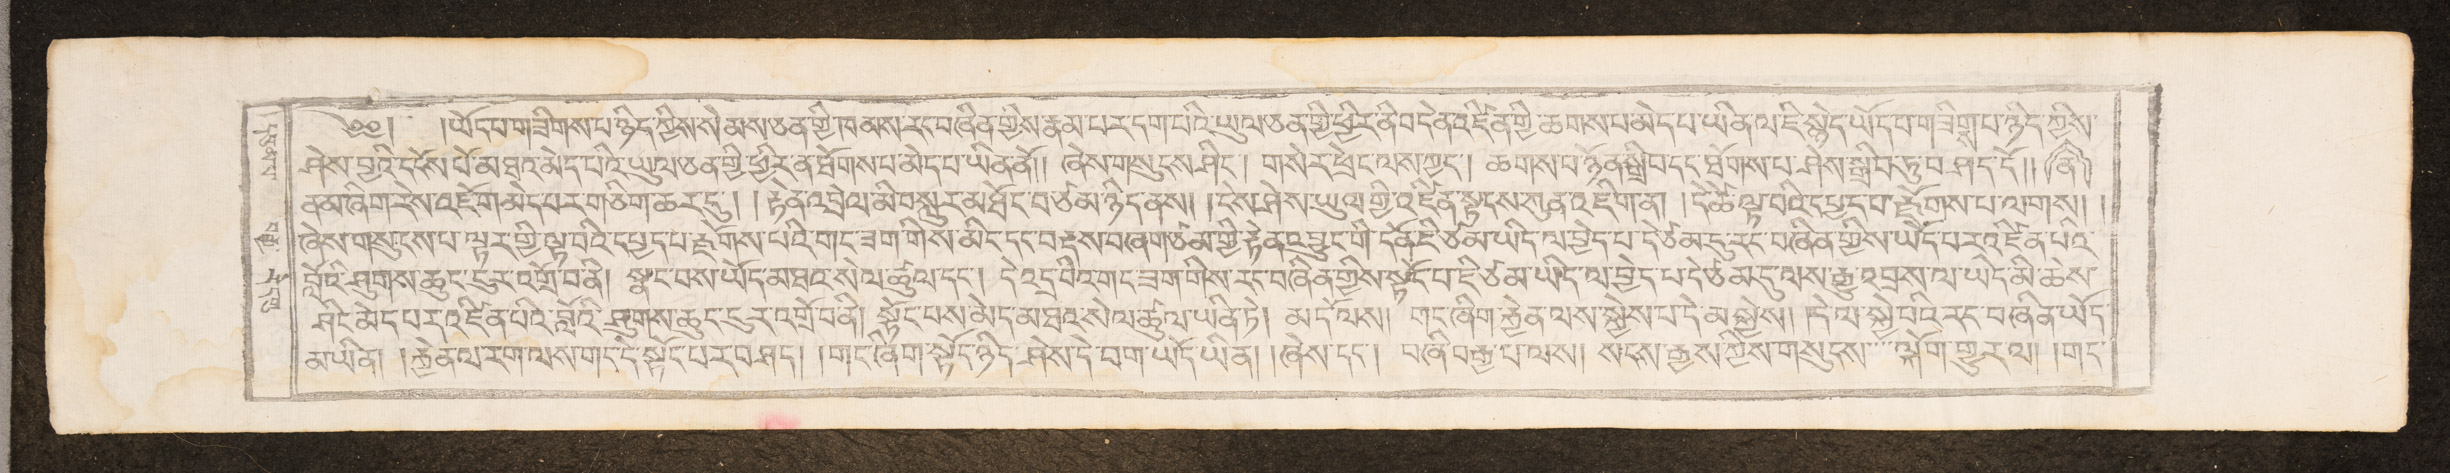༄༅། །ཡོད་པ་གཟིགས་པ་ཉིད་ཀྱིས་སེམས་ཅན་གྱི་ཁམས་རང་བཞིན་གྱིས་རྣམ་པར་དག་པའི་ཡུལ་ཅན་གྱི་ཕྱིར་ནི་བདེན་འཛིན་གྱི་ཆགས་པ་མེད་པ་ཡིན་ལ་ཇི་སྙེད་ཡོད་པ་གཟིགས་པ་ཉིད་ཀྱིས་
ཤེས་བྱའི་དངོས་པོ་མཐའ་མེད་པའི་ཡུལ་ཅན་གྱི་ཕྱིར་ན་ཐོགས་པ་མེད་པ་ཡིན་ནོ།། ཞེས་གསུངས་ཤིང་། གསེར་ཕྲེང་ལས་ཀྱང་། ཆགས་པ་ཉོན་སྒྲིབ་དང་ཐོགས་པ་ཤེས་སྒྲིབ་ཏུ་བཤད་དོ།། ༼༽ན༼༽
ནམ་ཞིག་རེས་འཇོག་མེད་པར་གཅིག་ཆར་དུ། །རྟེན་འབྲེལ་མི་བསླུར་མཐོང་བ་ཙམ་ཉིད་ནས། །ངེས་ཤེས་ཡུལ་གྱི་འཛིན་སྟངས་ཀུན་འཇིག་ན། །དེ་ཚེ་ལྟ་བའི་དཔྱད་པ་རྫོགས་པ་ལགས། །
ཞེས་གསུངས་པ་ལྟར་གྱི་ལྟ་བའི་དཔྱད་པ་རྫོགས་པའི་གང་ཟག་གིས་མིང་དང་བརྡས་བཞག་ཙམ་གྱི་རྟེན་འབྱུང་གི་དོན་ཇི་ཙམ་ཡིད་ལ་བྱེད་པ་དེ་ཙམ་དུ་རང་བཞིན་གྱིས་ཡོད་པར་འཛིན་པའི་
བློའི་ཤུགས་ཆུང་ངུར་འགྲོ་བ་ནི། སྣང་བས་ཡོད་མཐའ་སེལ་ཚུལ་དང་། དེ་འདྲ་བའི་གང་ཟག་གིས་རང་བཞིན་གྱིས་སྟོང་པ་ཇི་ཙམ་ཡིད་ལ་བྱེད་པ་དེ་ཙམ་དུ་ལས་རྒྱུ་འབྲས་ལ་ཡིད་མི་ཆེས་
ཤིང་མེད་པར་འཛིན་པའི་བློའི་ཤུགས་ཆུང་ངུར་འགྲོ་བ་ནི། སྟོང་པས་མེད་མཐའ་སེལ་ཚུལ་ཡིན་ཏེ། མདོ་ལས། གང་ཞིག་རྐྱེན་ལས་སྐྱེས་པ་དེ་མ་སྐྱེས། །དེ་ལ་སྐྱེ་བའི་རང་བཞིན་ཡོད་
མ་ཡིན། །རྐྱེན་ལ་རག་ལས་གང་དེ་སྟོང་པར་བཤད། །གང་ཞིག་སྟོང་ཉིད་ཤེས་དེ་བག་ཡོད་ཡིན། །ཞེས་དང་། བཞི་བརྒྱ་པ་ལས། སངས་རྒྱས་ཀྱིས་གསུངས་ལྐོག་གྱུར་ལ། །གང་